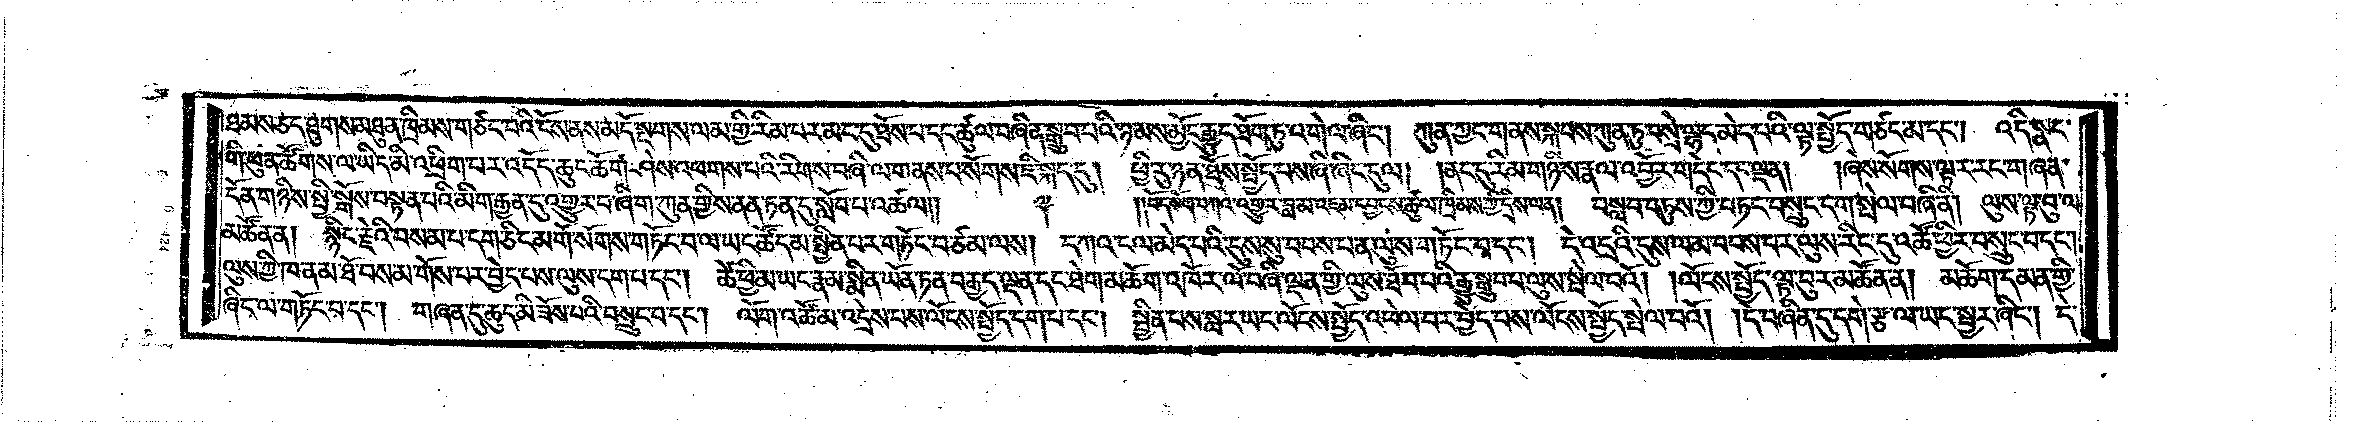ཐམས་ཅད་ཐུགས་མཐུན་ཁྲིམས་གཙང་བའི་ངོས་ནས་མདོ་སྔགས་ལམ་གྱི་རིམ་པར་མང་དུ་ཐོས་པ་དང་ཚུལ་བཞིན་སྒྲུབ་པའི་ཉམས་མྱོང་རྒྱུད་ཐོག་ཏུ་འགེལ་ཞིང་། ཀུན་ཀྱང་གནས་སྐབས་ཀུན་ཏུ་བསྲེ་ལྷད་མེད་པའི་ལྟ་སྤྱོད་གཙང་མ་དང་། འདི་སྣང་
གི་ཕུན་ཚོགས་ལ་ཡིད་མི་འཕྲིག་པར་འདོད་ཆུང་ཆོག་ཤེས་འཕགས་པའི་རིགས་བཞི་ལ་གནས་པ་སོགས་ཇི་སྐད་དུ། ཕྱི་རུ་ཉན་ཐོས་སྤྱོད་པས་ཞི་ཞིང་དུལ། །ནང་དུ་རིམ་གཉིས་རྣལ་འབྱོར་གདེང་དང་ལྡན། །ཞེས་སོགས་ལྟར་རང་གཞན་
དོན་གཉིས་སྤྱི་སྒོས་བསྟན་པའི་མིག་རྒྱན་དུ་འགྱུར་བ་ཞིག་ཀུན་གྱིས་ནན་ཏན་དུ་སློབ་པ་འཚལ།། ༈ །།བོད་སོག་བཀའ་འགྱུར་བླ་མ་འཇམ་དབྱངས་ཚུལ་ཁྲིམས་ཀྱི་དྲིས་ལན།  བསླབ་བཏུས་ཀྱི་བཏང་བསྲུང་དག་སྤེལ་བཞི་ནི། ལུས་ལྟ་བུ་ལ་
མཚོན་ན། སྙིང་རྗེའི་བསམ་པ་དག་ཅིང་མགོ་སོགས་གཏོང་བ་ལ་ཡང་ཚོད་མ་སྤྱིན་པར་གཏོང་བ་ཙམ་ལས། དཀའ་ངལ་མེད་པའི་དུས་སུ་བབས་པ་ན་ལུགས་གཏོང་བ་དང་། དེ་འདྲའི་དུས་ལམ་བབས་པར་ལུས་རིང་དུ་འཚོ་ཕྱིར་བསྲུང་བ་དང་།
ལུས་ཀྱི་ཁ་ནམ་ཐོ་བསམ་གོས་པར་བྱེད་པས་ལུས་དག་པ་དང་། ཚེ་ཕྱི་མ་ཡང་རྣམ་སྨིན་ཡོན་ཏན་བརྒྱད་ལྡན་དང་ཐེག་མཆོག་འཁོར་ལོ་བཞི་ལྡན་གྱི་ལུས་ཐོབ་པའི་རྒྱུ་སྒྲུབ་པ་ལུས་སྤེལ་བའོ། །ལོངས་སྤྱོད་ལྟ་བུར་མཚོན་ན། མཆོག་དམན་གྱི་
ཞིང་ལ་གཏོང་བ་དང་། གཞན་དུ་ཆུད་མི་ཟོས་པའི་བསྲུང་བ་དང་། ལོག་འཚོ་མ་འདྲེས་པས་ལོངས་སྤྱོད་དག་པ་དང་། སྦྱིན་པས་སླར་ཡང་ལོངས་སྤྱོད་འཕེལ་བར་བྱེད་པས་ལོངས་སྤྱོད་སྤེལ་བའོ། །དེ་བཞིན་དུ་དགེ་རྩ་ལ་ཡང་སྦྱར་ཞིང་། དེ་